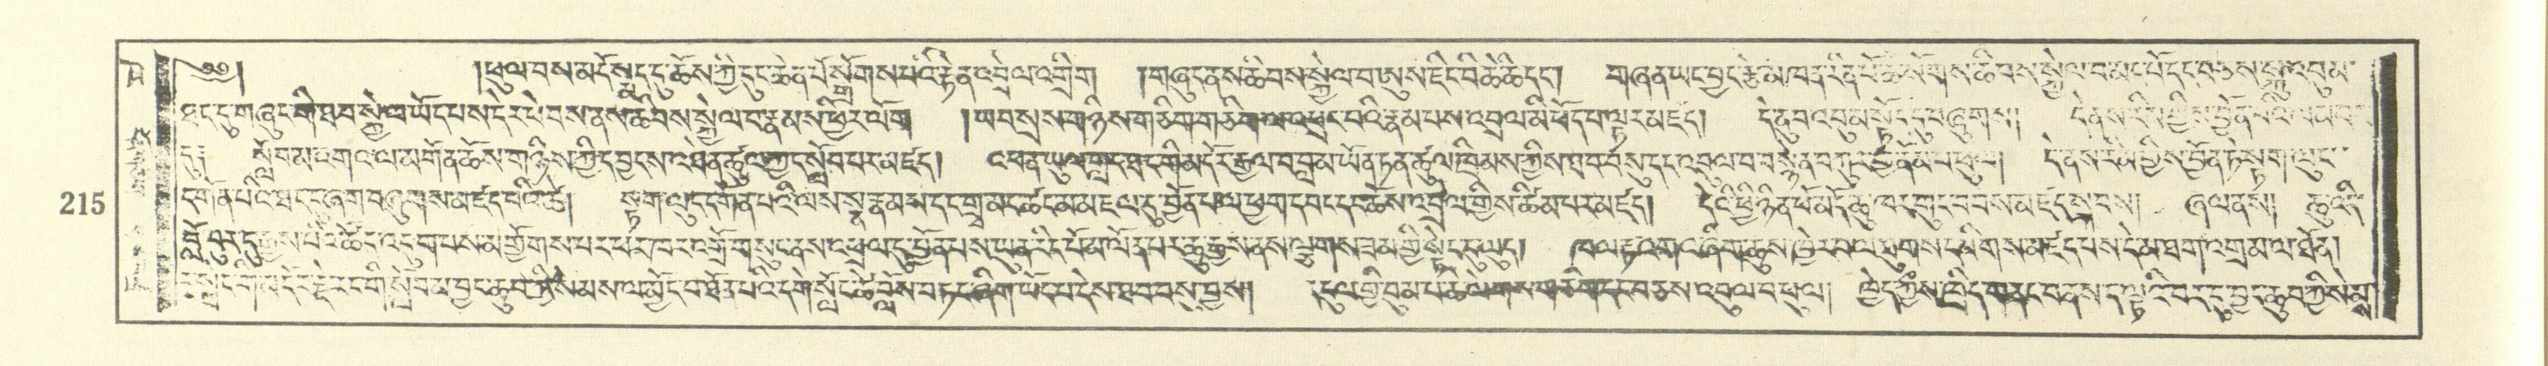༄༅། །ཕུལ་བས་མདོ་སྨད་དུ་ཆོས་ཀྱི་དུང་ཆེན་པོ་སྒྲོགས་པའི་རྟེན་འབྲེལ་འགྲིག །གཞུང་ནས་ཆིབས་སྐྱེལ་བ་ཨུས་ཇིང་བི་ཆེ་ཆི་དང་། གཞན་ཡང་བྱང་རྩེ་མཁན་རིན་པོ་ཆེ་སོགས་ཆིབས་སྐྱེལ་བ་མང་པོ་དང་བཅས་སྐུ་འབུམ་
ཐང་དུ་གཞུང་གི་ཐབ་སྐྱེལ་ཡོད་པས་དེར་ཕེབས་ནས་ཆིབས་སྐྱེལ་བ་རྣམས་ཕྱིར་ལོག །ཡབ་སྲས་གཉིས་གཅིག་གཅིག་ལ་འཕྲང་བའི་རྣམ་པས་འབྲལ་མི་ཕོད་པ་ལྷར་མཛད། དེ་ནུབ་འབུམ་སྟོང་དུ་བཞུགས། དེ་ནས་རིམ་གྱིས་བྱོན་པའི་ལམ་བར་
དུ༑ སློབ་མ་འགའ་ལ་མགོན་ཆོས་གཉིས་ཀྱི་དབྱངས་འཐེན་ཚུལ་ཀྱང་སློབ་པར་མཛད། འཕན་ཡུལ་གླང་ཐང་གི་མདོར་རྒྱལ་བ་བླ་མ་ཡོན་ཏན་ཚུལ་ཁྲིམས་ཀྱིས་ཐབ་བསུ་དང་འབུལ་བ་བསྙེན་བཀུར་གྱ་ནོམ་པ་ཕུལ། དེ་ནས་རིམ་གྱིས་བྱོན་ཏེ་སྟག་ལུང་
དགོན་པའི་ཐང་དུ་ཞག་བཞུགས་མཛད་པའི་ཚེ། སྟག་ལུང་དགོན་པའི་ལས་སྣ་རྣམས་དང་གྲྭ་མང་ཚང་མ་མཇལ་དུ་བྱོན་པ་ལ་ཕྱག་དབང་དང་ཆོས་འབྲེལ་གྱིས་ཚིམ་པར་མཛད། དེའི་ཕྱི་ཉིན་ཕོ་མདོ་ཆུ་ཁར་གུང་བབས་མཛད་སྐབས། ཞལ་ནས། ཆུ་འདི་
གློ་བུར་དུ་རྒྱས་པའི་ཚོད་འདུག་པས་མགྱོགས་པར་ཕར་ཁར་འགྲོ་གསུང་ནས་འཕྲལ་དུ་བྱོན་པས་ཡུན་རིང་པོ་མ་ལོན་པར་ཆུ་རྒྱ་ནས་ལྕགས་ཟམ་གྱི་སྟེང་དུ་ལུད། ཁལ་རྟ་འགའ་ཞིག་ཆུས་ཁྱེར་བ་ལ་ཐུགས་དམིགས་མཛད་པས་དེམ་ཐག་འགྲམ་ལ་ཐོན།
རྭ་སྒྲེང་གི་མདོར་རྗེ་རང་གི་སློབ་མ་བྱང་ཆུབ་ཀྱི་སེམས་ལ་མྱོང་བ་ཐོན་པའི་དགེ་སློང་ཚེ་བློས་བཏང་ཞིག་ཡོང་པ་དེས་ཐབ་བསུ་བྱས། དངུལ་གྱི་བུམ་པ་ཆེ་ལེགས་གཅིག་དང་བཅས་འབུལ་བ་ཕུལ། ཁྱེད་ཀྱྀས་ཁྲིད་གནང་བ་ནས་ད་ལྟའི་བར་དུ་བྱང་ཆུབ་ཀྱི་སེམས་